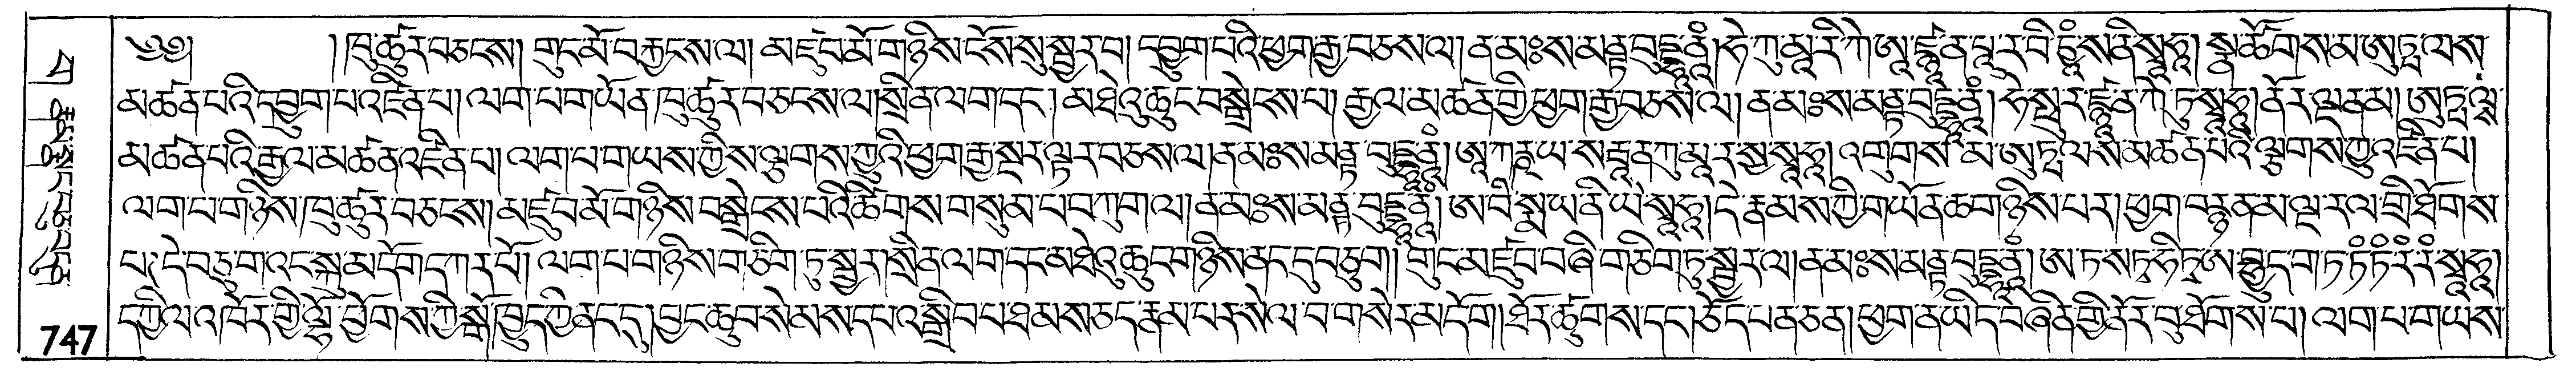༄༅། །ཁུ་ཚུར་བཅངས། གུང་མོ་བརྐྱངས་ལ། མཛུབ་མོ་གཉིས་ངོས་སུ་སྦྱར་བ། དབྱུག་པའི་ཕྱག་རྒྱ་བཅས་ལ། ན་མཿ ས་མནྟ་བུདྡྷཱ་ནཱཾ། ཧེ་ཀུ་མཱ་རི་ཀེ་ཨཱ་ཛྙཱ་ན་པཱུ་ར་བི་དྱཱཾ་ས་ནི་སྭཱཧཱ། སྣ་ཚོགས་མ་ཨུཏྤ་ལས་
མཚན་པའི་དབྱུག་པ་འཛིན་པ། ལག་པ་གཡོན་ཁུ་ཚུར་བཅངས་ལ། སྲིན་ལག་དང་། མཐེའུ་ཆུང་བསྒྲེངས་པ། རྒྱལ་མཚན་གྱི་ཕྱག་རྒྱ་བཅས་ལ། ན་མཿ ས་མནྟ་བུདྡྷཱ་ནཱཾ། ཧེ་སྥུ་ར་ཛྙཱ་ན་ཀེ་ཏུ་སྭཱཧཱ། ནོར་ལྡན་མ། ཨུཏྤ་ལས་
མཚན་པའི་རྒྱལ་མཚན་འཛིན་པ། ལག་པ་གཡས་ཀྱིས་ལྕགས་ཀྱུའི་ཕྱག་རྒྱ་སྔར་ལྟར་བཅས་ལ། ན་མཿ ས་མནྟ་བུདྡྷཱ་ནཱཾ། ཨཱ་ཀྲྵ་ཡ་སརྦཱ་ན་ཀུ་མཱ་ར་སྱ་སྭཱཧཱ། འགུགས་མ་ཨུཏྤ་ལས་མཚན་པའི་ལྕགས་ཀྱུ་འཛིན་པ།
ལག་པ་གཉིས་ཁུ་ཚུར་བཅངས། མཛུབ་མོ་གཉིས་བསྒྲེངས་པའི་ཚིགས་གསུམ་པ་བཀུག་ལ། ན་མཿ ས་མནྟ་བུདྡྷཱ་ནཱཾ། ཨ་བི་སྨ་ཡ་ནི་ཡེ་སྭཱཧཱ། དེ་རྣམས་ཀྱི་གཡོན་ཆ་གཉིས་པར། ཕྱག་བརྙན་མ་ལྔ་རལ་གྲི་ཐོགས་
པ། དེ་བཅུ་གའང་སྐུ་མདོག་དཀར་པོ། ལག་པ་གཉིས་གཅིག་ཏུ་སྦྱར། སྲིན་ལག་དང་མཐེའུ་ཆུང་གཉིས་ནང་དུ་བཅུག །གུང་མཛུབ་བཞི་གཅིག་ཏུ་སྦྱར་ལ། ན་མཿ ས་མནྟ་བུདྡྷཱ་ནཱཾ། ཨ་ཏ་སཏྭ་ཧི་ཏྭ་ཨ་བྷྱུད་ག་ཏ་ཏཾ་ཏཾ་རཾ་རཾ་སྭཱཧཱ།
དཀྱིལ་འཁོར་གྱི་ལྷོ་ཕྱོགས་ཀྱི་སྒོ་ཁྱུད་ཀྱི་ནང་དུ། བྱང་ཆུབ་སེམས་དཔའ་སྒྲིབ་པ་ཐམས་ཅད་རྣམ་པར་སེལ་བ་གསེར་མདོག །ཐོར་ཚུགས་དང་། ཅོད་པན་ཅན། ཕྱག་ན་ཡིད་བཞིན་གྱི་ནོར་བུ་ཐོགས་པ། ལག་པ་གཡས་